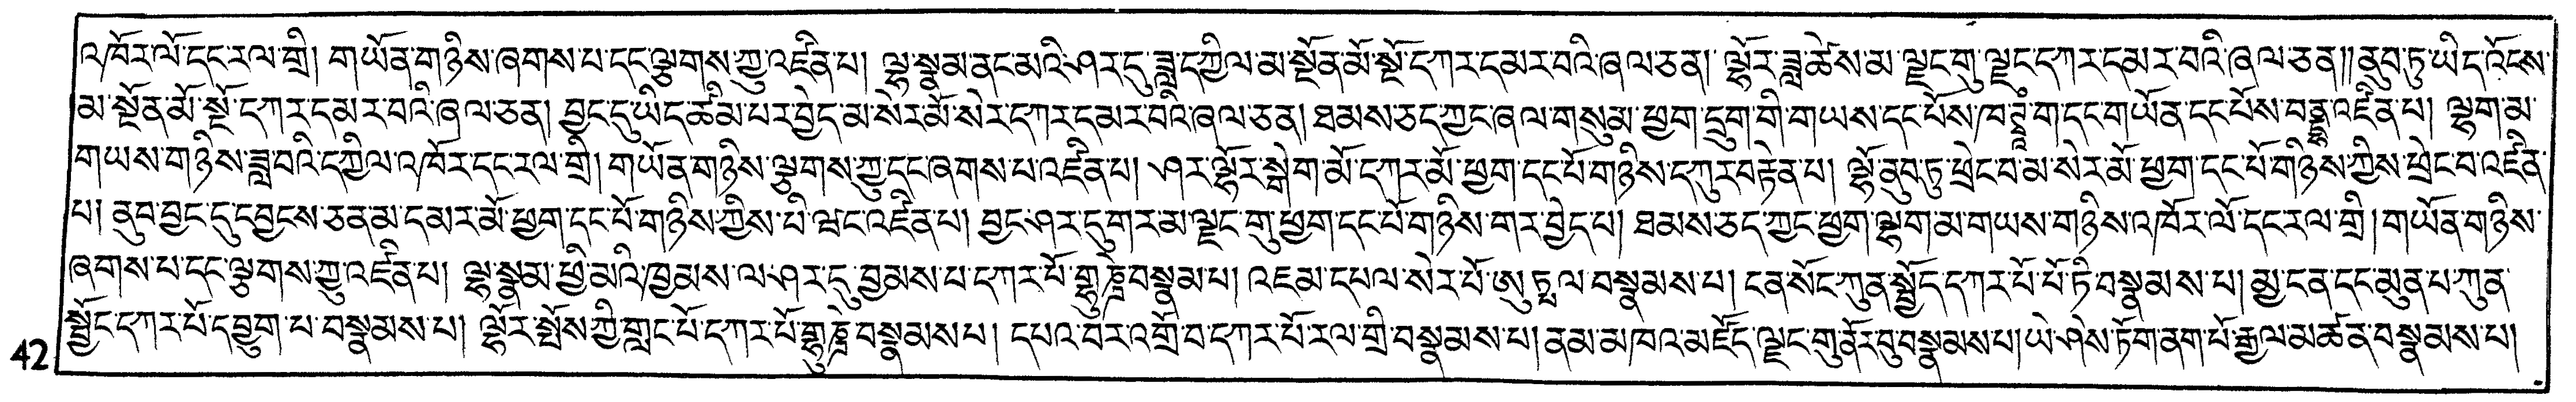འཁོར་ལོ་དང་རལ་གྲི། གཡོན་གཉིས་ཞགས་པ་དང་ལྕགས་ཀྱུ་འཛིན་པ། ལྷ་སྣམ་ནང་མའི་ཤར་དུ་ཟླ་དཀྱིལ་མ་སྔོན་མོ་སྔོ་དཀར་དམར་བའི་ཞལ་ཅན། ལྷོར་ཟླ་ཚེས་མ་ལྗང་གུ་ལྗང་དཀར་དམར་བའི་ཞལ་ཅན། །ནུབ་ཏུ་ཡིད་འོངས་
མ་སྔོན་མོ་སྔོ་དཀར་དམར་བའི་ཞལ་ཅན། བྱང་དུ་ཡིད་ཚིམ་པར་བྱེད་མ་སེར་མོ་སེར་དཀར་དམར་བའི་ཞལ་ཅན། ཐམས་ཅད་ཀྱང་ཞལ་གསུམ་ཕྱག་དྲུག་གི་གཡས་དང་པོས་ཁ་ཊྭཱཾ་ག་དང་གཡོན་དང་པོས་བནྡྷ་འཛིན་པ། ལྷག་མ་
གཡས་གཉིས་ཟླ་བའི་དཀྱིལ་འཁོར་དང་རལ་གྲི། གཡོན་གཉིས་ལྕགས་ཀྱུ་དང་ཞགས་པ་འཛིན་པ། ཤར་ལྷོར་སྒེག་མོ་དཀར་མོ་ཕྱག་དང་པོ་གཉིས་དཀུར་བརྟེན་པ། ལྷོ་ནུབ་ཏུ་ཕྲེང་བ་མ་སེར་མོ་ཕྱག་དང་པོ་གཉིས་ཀྱིས་ཕྲེང་བ་འཛིན་
པ། ནུབ་བྱང་དུ་དབྱངས་ཅན་མ་དམར་མོ་ཕྱག་དང་པོ་གཉིས་ཀྱིས་པི་ཝང་འཛིན་པ། བྱང་ཤར་དུ་གར་མ་ལྗང་གུ་ཕྱག་དང་པོ་གཉིས་གར་བྱེད་པ། ཐམས་ཅད་ཀྱང་ཕྱག་ལྷག་མ་གཡས་གཉིས་འཁོར་ལོ་དང་རལ་གྲི། གཡོན་གཉིས་
ཞགས་པ་དང་ལྕགས་ཀྱུ་འཛིན་པ། ལྷ་སྣམ་ཕྱི་མའི་ཁྱམས་ལ་ཤར་དུ་བྱམས་པ་དཀར་པོ་གྷུཎྜེ་བསྣམ་པ། འཇམ་དཔལ་སེར་པོ་ཨུཏྤལ་བསྣམས་པ། ངན་སོང་ཀུན་སྦྱོད་དཀར་པོ་པོ་ཏི་བསྣམས་པ། མྱ་ངན་དང་མུན་པ་ཀུན་
སྦྱོང་དཀར་པོ་དབྱུག་པ་བསྣམས་པ། ལྷོར་སྤོས་ཀྱི་གླང་པོ་དཀར་པོ་གྷུཎྜེ་བསྣམས་པ། དཔའ་བར་འགྲོ་བ་དཀར་པོ་རལ་གྲི་བསྣམས་པ། ནམ་མཁའ་མཛོད་ལྗང་གུ་ནོར་བུ་བསྣམས་པ། ཡེ་ཤེས་ཏོག་ནག་པོ་རྒྱལ་མཚན་བསྣམས་པ།